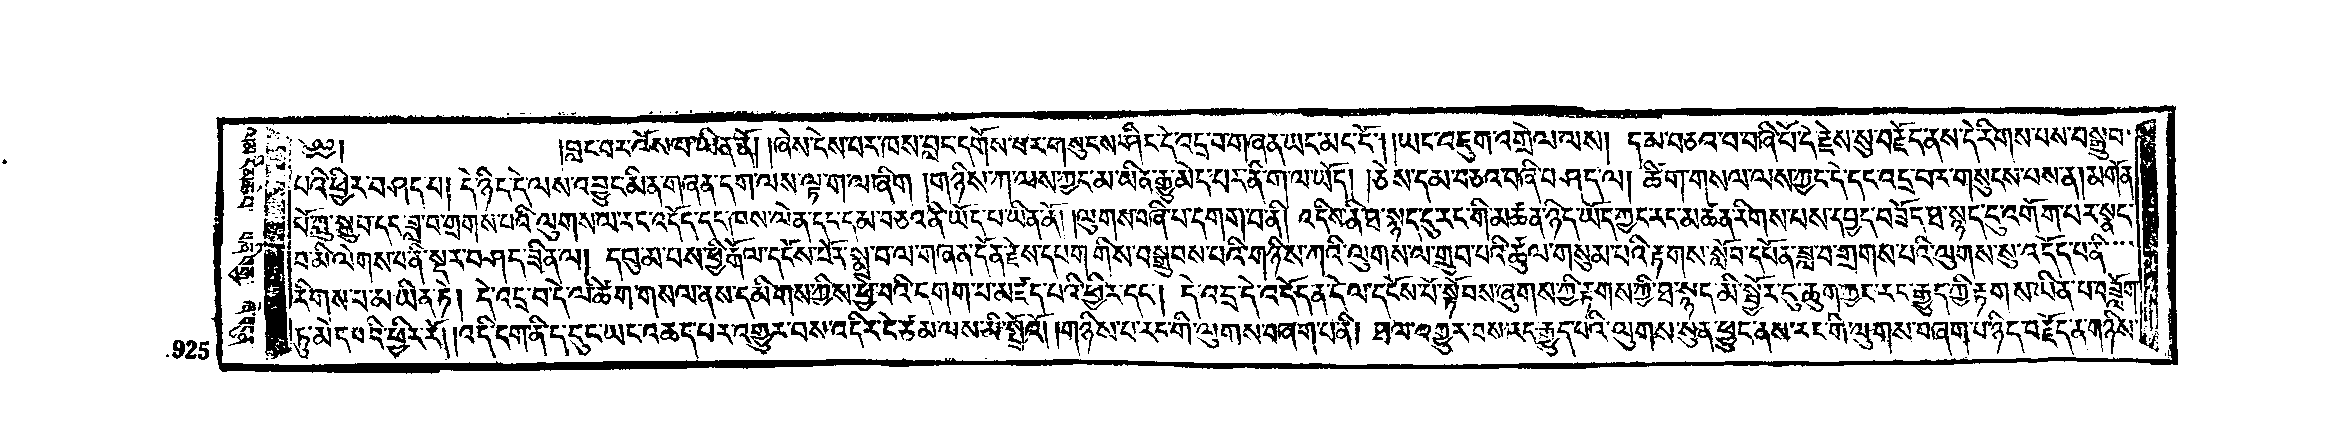༄༅། །བླང་བར་འོས་པ་ཡིན་ནོ། །ཞེས་ངེས་པར་ཁས་བླང་དགོས་པར་གསུངས་ཤིང་དེ་འདྲ་བ་གཞན་ཡང་མང་ངོ། །ཡང་འཇུག་འགྲེལ་ལས། དམ་བཅའ་བ་བཞི་པོ་དེ་རྗེས་སུ་བརྗོད་ནས་དེ་རིགས་པས་བསྒྲུབ་
པའི་ཕྱིར་བཤད་པ། དེ་ཉིད་དེ་ལས་འབྱུང་མིན་གཞན་དག་ལས་ལྟ་ག་ལ་ཞིག །གཉིས་ཀ་ལས་ཀྱང་མ་ཡིན་རྒྱུ་མེད་པར་ནི་ག་ལ་ཡོད། །ཅེས་དམ་བཅའ་བཞི་བཤད་ལ། ཚིག་གསལ་ལས་ཀྱང་དེ་དང་འདྲ་བར་གསུངས་པས་ན། མགོན་
པོ་ཀླུ་སྒྲུབ་དང་ཟླ་བ་གྲགས་པའི་ལུགས་ལ་རང་འདོད་དང་ཁས་ལེན་དང་དམ་བཅའ་ནི་ཡོད་པ་ཡིན་ནོ། །ལུགས་བཞི་པ་དགག་པ་ནི། འདིས་ནི་ཐ་སྙད་དུ་རང་གི་མཚན་ཉིད་ཡོད་ཀྱང་རང་མཚན་རིགས་པས་དཔྱད་བཟོད་ཐ་སྙད་དུ་འགོག་པར་སྣང་
བ་མི་ལེགས་པ་ནི་སྔར་བཤད་ཟིན་ལ། དབུ་མ་པས་ཕྱི་རྒོལ་དངོས་པོར་སྨྲ་བ་ལ་གཞན་དོན་རྗེས་དཔག་གིས་བསྒྲུབས་པའི་གཉིས་ཀའི་ལུགས་ལ་གྲུབ་པའི་ཚུལ་གསུམ་པའི་རྟགས་སློབ་དཔོན་ཟླ་བ་གྲགས་པའི་ལུགས་སུ་འདོད་པ་ནི་
རིགས་པ་མ་ཡིན་ཏེ། དེ་འདྲ་བ་དེ་ལ་ཚིག་གསལ་ནས་དམིགས་ཀྱིས་ཕྱེ་བའི་དགག་པ་མཛད་པའི་ཕྱིར་དང་། དེ་འདྲ་དེ་འདོད་ན་དེ་ལ་དངོས་པོ་སྟོབས་ཞུགས་ཀྱི་རྟགས་ཀྱི་ཐ་སྙད་མི་སྦྱོར་དུ་ཆུག་ཀྱང་རང་རྒྱུད་ཀྱི་རྟགས་ཡིན་པ་བཟློག་
ཏུ་མེད་པའི་ཕྱིར་རོ། །འདི་དག་ནི་ད་དུང་ཡང་འཆད་པར་འགྱུར་བས་འདིར་དེ་ཙམ་ལས་མི་སྤྲོའོ། །གཉིས་པ་རང་གི་ལུགས་བཞག་པ་ནི། ཐལ་འགྱུར་བས་རང་རྒྱུད་པའི་ལུགས་སུན་ཕྱུང་ནས་རང་གི་ལུགས་བཞག་པ་ཉིད་བརྗོད་ན་གཉིས་